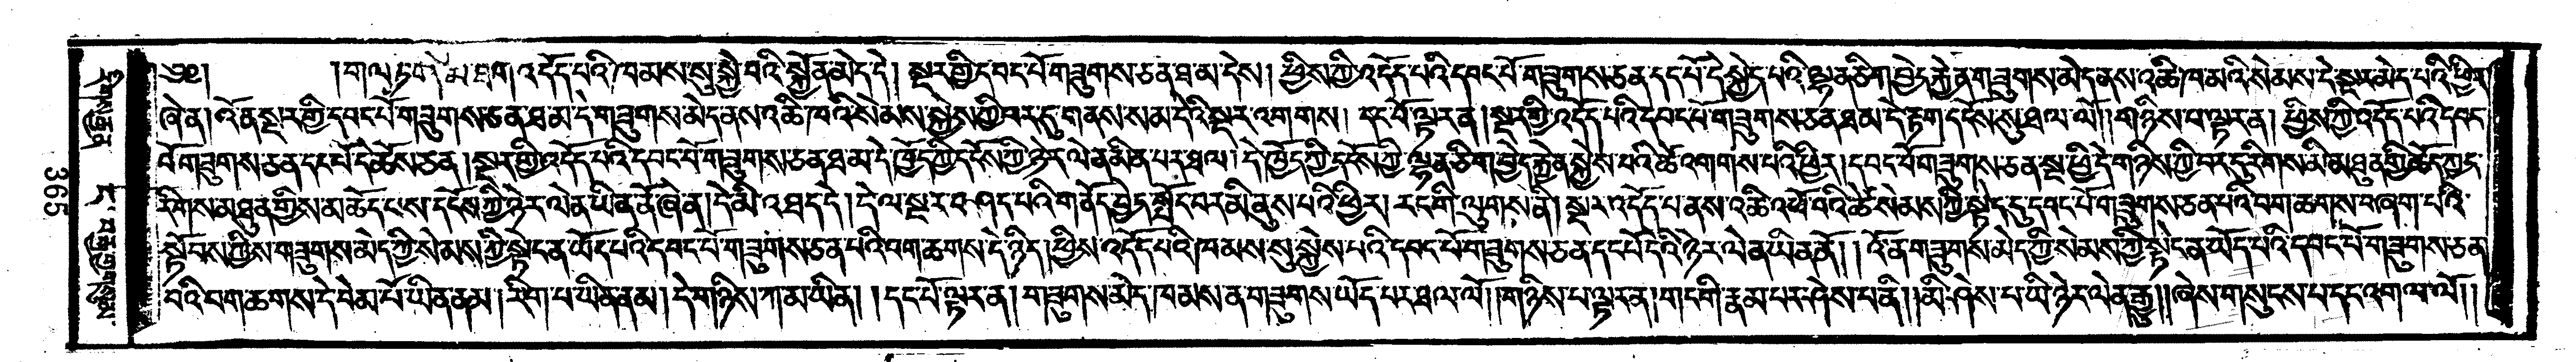༄༅། །གལ་ཏེ་ཤི་མ་ཐག་འདོད་པའི་ཁམས་སུ་སྐྱེ་བའི་སྐྱོན་མེད་དེ། སྔར་གྱི་དབང་པོ་གཟུགས་ཅན་ཐ་མ་དེས། ཕྱིས་ཀྱི་འདོད་པའི་དབང་པོ་གཟུགས་ཅན་དང་པོ་དེ་སྐྱེད་པའི་ལྷན་ཅིག་བྱེད་རྐྱེན་གཟུགས་མེད་ནས་འཆི་ཁ་མའི་སེམས་དེ་སྔར་མེད་པའི་ཕྱིར་
ཞེ་ན། འོ་ན་སྔར་གྱི་དབང་པོ་གཟུགས་ཅན་ཐ་མ་དེ་གཟུགས་མེད་ནས་འཆི་ཁའི་སེམས་སྐྱེས་ཀྱི་བར་དུ་གནས་སམ་དེའི་སྔར་འགགས། དང་པོ་ལྟར་ན། སྔར་གྱི་འདོད་པའི་དབང་པོ་གཟུགས་ཅན་ཐ་མ་དེ་རྟག་དངོས་སུ་ཐལ་ལོ། །གཉིས་པ་ལྟར་ན། ཕྱིས་ཀྱི་འདོད་པའི་དབང་
པོ་གཟུགས་ཅན་དང་པོ་དེ་ཆོས་ཅན། སྔར་གྱི་འདོད་པའི་དབང་པོ་གཟུགས་ཅན་ཐ་མ་དེ་ཁྱོད་ཀྱི་དངོས་ཀྱི་ཉེར་ལེན་མིན་པར་ཐལ། དེ་ཁྱོད་ཀྱི་དངོས་ཀྱི་ལྷན་ཅིག་བྱེད་རྐྱེན་སྐྱེས་པའི་ཚེ་འགགས་པའི་ཕྱིར། དབང་པོ་གཟུགས་ཅན་སྔ་ཕྱི་དེ་གཉིས་ཀྱི་བར་དུ་རིགས་མི་མཐུན་གྱི་ཆོད་ཀྱང་
རིགས་མཐུན་གྱིས་མ་ཆོད་པས་དངོས་ཀྱི་ཉེར་ལེན་ཡིན་ནོ་ཞེ་ན། དེ་མི་འཐད་དེ། དེ་ལ་སྔར་བཤད་པའི་གནོད་བྱེད་སྤོང་བར་མི་ནུས་པའི་ཕྱིར། རང་གི་ལུགས་ནི། སྔར་འདོད་པ་ནས་འཆི་འཕོ་བའི་ཚེ་སེམས་ཀྱི་སྟེང་དུ་དབང་པོ་གཟུགས་ཅན་པའི་བག་ཆགས་བཞག་པའི་
སྟོབས་ཀྱིས་གཟུགས་མེད་ཀྱི་སེམས་ཀྱི་སྟེང་ན་ཡོད་པའི་དབང་པོ་གཟུགས་ཅན་པའི་བག་ཆགས་དེ་ཉིད། ཕྱིས་འདོད་པའི་ཁམས་སུ་སྐྱེས་པའི་དབང་པོ་གཟུགས་ཅན་དང་པོ་དེའི་ཉེར་ལེན་ཡིན་ནོ། །འོ་ན་གཟུགས་མེད་ཀྱི་སེམས་ཀྱི་སྟེང་ན་ཡོད་པའི་དབང་པོ་གཟུགས་ཅན་
པའི་བག་ཆགས་དེ་བེམ་པོ་ཡིན་ནམ། རིག་པ་ཡིན་ནམ། དེ་གཉིས་ཀ་མ་ཡིན། དང་པོ་ལྟར་ན། གཟུགས་མེད་ཁམས་ན་གཟུགས་ཡོད་པར་ཐལ་ལོ། །གཉིས་པ་ལྟར་ན། གང་གི་རྣམ་པར་ཤེས་པ་ནི། །མི་ཤེས་པ་ཡི་ཉེར་ལེན་རྒྱུ། །ཞེས་གསུངས་པ་དང་འགལ་ལོ། །